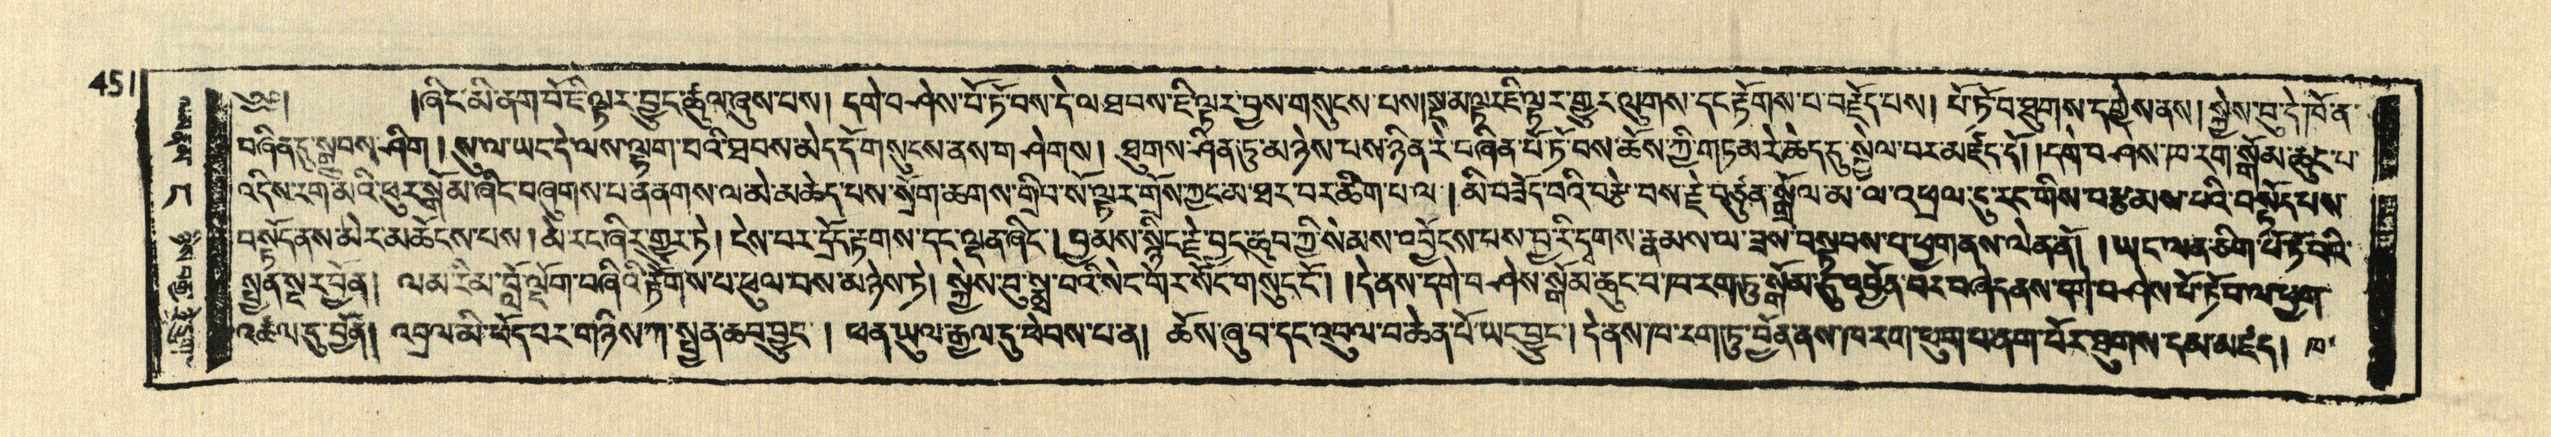༄༅། །ཞིང་མི་ནག་བོ་ཇི་ལྟར་བྱུང་ཚུལ་ཞུས་པས། དགེ་བཤེས་པོ་ཏོ་བས་དེ་ལ་ཐབས་ཇི་ལྟར་བྱས་གསུངས་པས། སྔ་མ་ལྟར་ཇི་ལྟར་གྱུར་ལུགས་དང་རྟོགས་པ་བརྗོད་པས། པོ་ཏོ་བ་ཐུགས་དགྱེས་ནས། སྐྱེས་བུ་དེ་ཁོ་ན་
བཞིན་དུ་སྒྲུབས་ཤིག །སུ་ལ་ཡང་དེ་ལས་ལྷག་པའི་ཐབས་མེད་དོ་གསུངས་ནས་གཤེགས། ཐུགས་ཤིན་ཏུ་མཉེས་པས་ཉིན་རེ་བཞིན་པོ་ཏོ་བས་ཆོས་ཀྱི་གཏམ་རེ་ཆེད་དུ་སྐྱེལ་པར་མཛད་དོ། །དགེ་བཤེས་ཁ་རག་སྒོམ་ཆུང་པ་
འདིས་རག་མའི་ཕུར་སྒོམ་ཞིང་བཞུགས་པ་ན་ནགས་ལ་མེ་མཆེད་པས་སྲོག་ཆགས་གྲིབ་སོ་ལྟར་གྲོས་ཀྱང་མ་ཐར་བར་ཚིག་པ་ལ། མི་བཟོད་པའི་བརྩེ་བས་རྗེ་བཙུན་སྒྲོལ་མ་ལ་འཕྲལ་དུ་རང་གིས་བརྩམས་པའི་བསྟོད་པས་
བསྟོད་ནས་མེར་མཆོངས་པས་།མེ་རང་ཞིང་གྱུར་ཏེ། ངེས་པར་དྲོང་རྟགས་དང་ལྡན་ཞིང་། བྱམས་སྙིང་རྗེ་བྱང་ཆུབ་ཀྱི་སེམས་འབྱོངས་པས་བྱ་རི་དྭགས་རྣམས་ལ་ཟས་བསྟབས་པ་ཕྱག་ནས་ལེན་ནོ། །ཡང་ལན་ཅིག་པོ་ཏོ་བའི་
སྤྱན་སྔར་བྱོན། ལམ་རིམ་བློ་ལྡོག་བཞིའི་རྟོགས་པ་ཕུལ་བས་མཉེས་ཏེ། སྐྱེས་བུ་སྨྲ་བའི་སེང་གེར་སོང་གསུང་ངོ། །དེ་ནས་དགེ་བཤེས་སྒོམ་ཆུང་བ་ཁ་རག་ཏུ་སྒོམ་དུ་འབྱོན་བར་བཞེད་ནས་དགེ་བཤེས་པོ་ཏོ་བ་ལ་ཕྱག་
འཚལ་དུ་བྱོན། འབྲལ་མི་ཕོད་པར་གཉིས་ཀ་སྤྱན་ཆབ་བྱུང་། ཕན་ཡུལ་རྒྱལ་དུ་ཕེབས་པ་ན། ཆོས་ཞུ་བ་དང་འབུལ་བ་ཆེན་པོ་ཡང་བྱུང་། དེ་ནས་ཁ་རག་ཏུ་བྱོན་ནས་ཁ་རག་ཕུག་པ་ནག་པོར་ཐུགས་དམ་མཛད། ཁ་